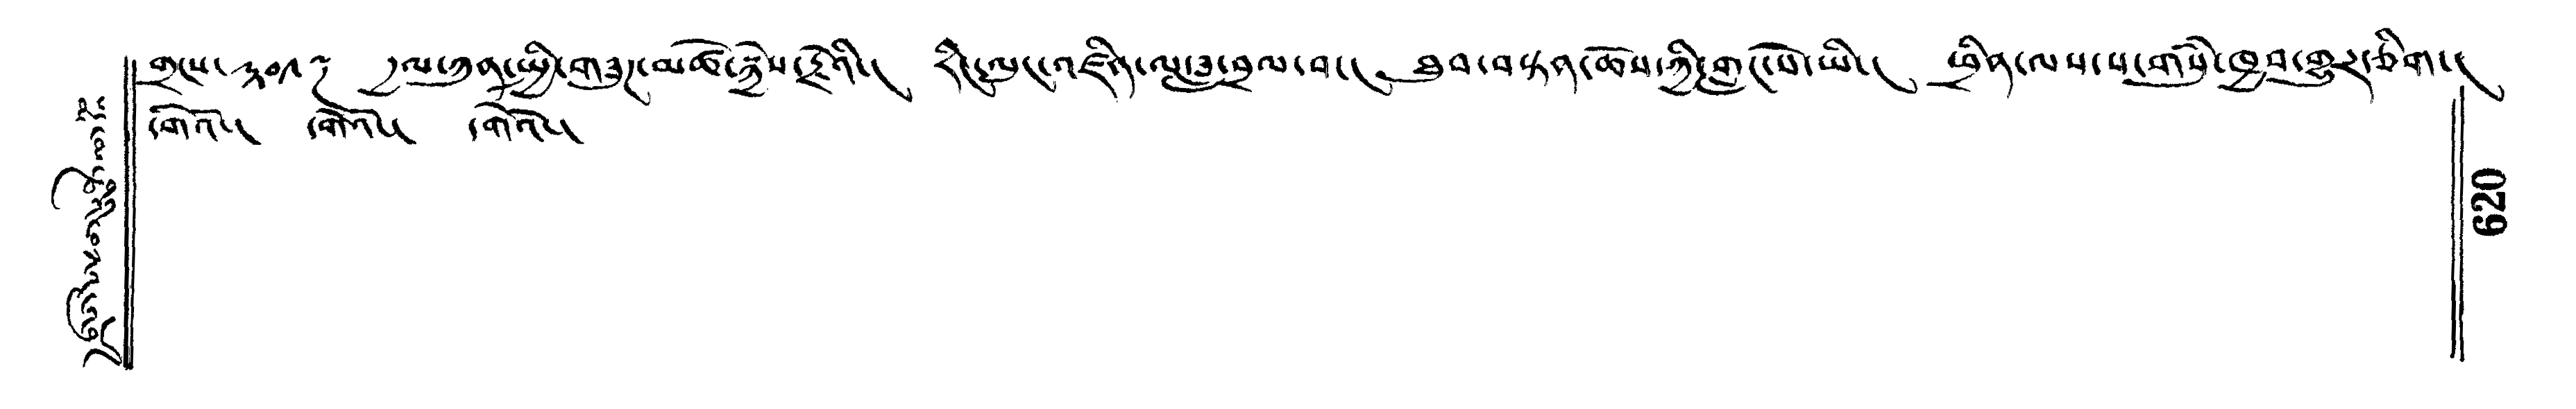གྲངས། ༈ རྒྱལ་ཀུན་སྤྱི་གཟུགས་མཚོ་སྐྱེས་རྗེའི། རིང་ལུགསའཛིན་ལ་ཟླ་བྲལ་བ། །ཐུབ་བསྟན་ཆོས་ཀྱི་གླང་པོ་ཡི། །ཕྲིན་ལས་ས་གསུམ་ཁྱབ་གྱུར་ཅིག 
དགེའོ།། དགེའོ། དགེའོ།